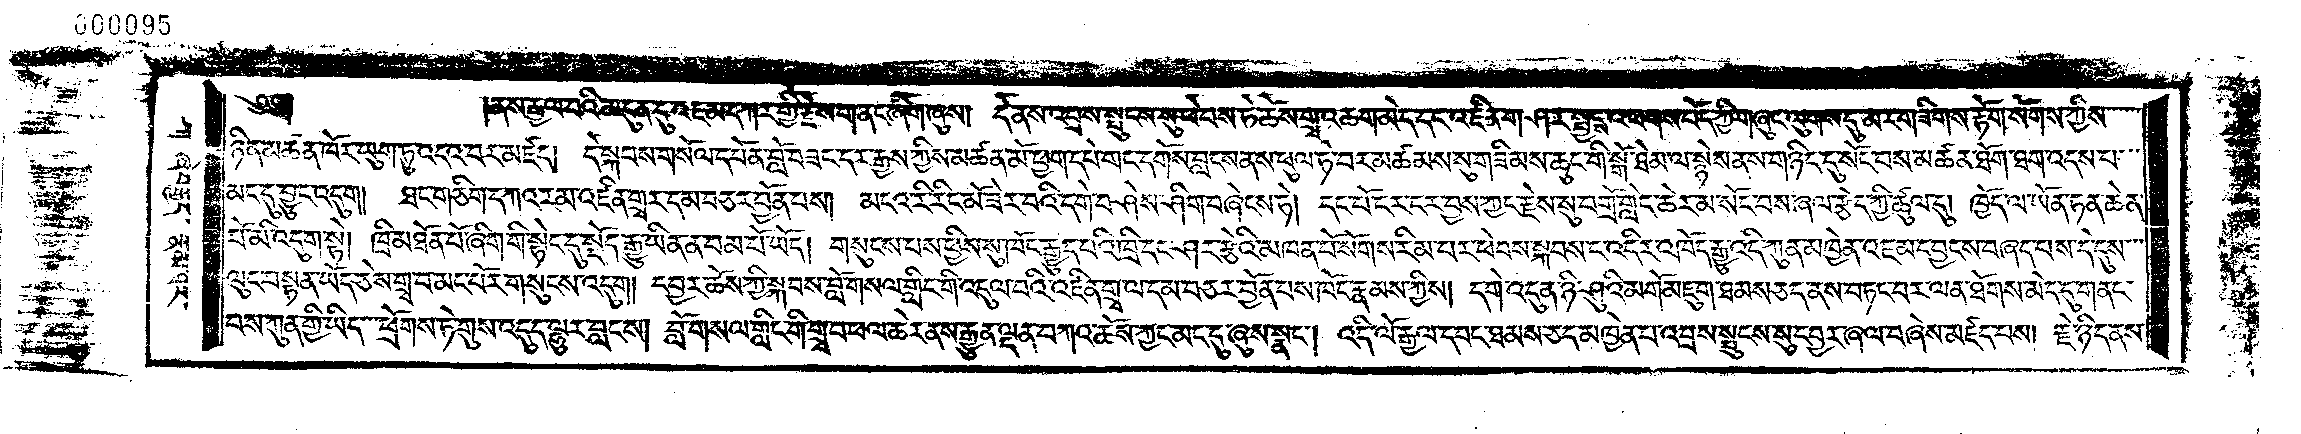༄༅། །ནས་རྒྱལ་བའི་མདུན་དུ་འཇམ་དཀར་གྱི་རྗེས་གནང་ཞིག་ཞུས། དེ་ནས་འབྲས་སྤུངས་སུ་ཕེབས་ཏེ་ཆོས་གྲྭ་འཆག་མེད་དང་འཛིན་གཤར་སྦྱངས་འཕགས་བོད་ཀྱི་གཞུང་ལུགས་དུ་མར་གཟིགས་རྟོག་སོགས་ཀྱིས་
ཉིན་མཚན་ཁོར་ཡུག་ཏུ་འདའ་བར་མཛད། དེ་སྐབས་གསོལ་དཔོན་བློ་བཟང་དར་རྒྱས་ཀྱིས་མཚན་མོ་ཕྱག་དཔེ་གང་དགོས་བླངས་ནས་ཕུལ་ཏེ་བར་མཚམས་སུ་གཟིམས་ཆུང་གི་སྒོ་ཐེམ་ལ་སྙེས་ནས་གཉིད་དུ་སོང་བས་མཚན་ཐོག་ཐག་འདས་པ་
མང་དུ་བྱུང་འདུག། ཐང་གཅིག་དཀའ་རམ་འཛིན་གྲྭར་དམ་བཅར་བྱོན་པས། མངའ་རི་རིང་མོ་ཟེར་བའི་དགེ་བཤེས་ཤིག་བཞེངས་ཏེ། དང་པོ་ངར་ངར་བྱས་ཀྱང་རྗེས་སུ་བགྲོ་གླེང་ཆེར་མ་སོང་བས་ཞལ་རྩེ་ཀྱི་ཚུལ་དུ། ཁྱོད་ལ་ཡོན་ཏན་ཆེན་
པོ་མི་འདུག་སྟེ། ཁྲི་མཐོན་པོ་ཞིག་གི་སྟེང་དུ་སྡོད་རྒྱུ་ཡིན་ན་བམ་པོ་ཡོད། གསུངས་པས་ཕྱིས་སུ་ཁོང་རྒྱུད་པའི་ཁྲི་དང་ཤར་རྩེའི་མཁན་པོ་སོགས་རིམ་པར་ཕེབས་སྐབས་ང་འདིར་འཁོད་རྒྱུ་འདི་ཀུན་མཁྱེན་འཇམ་དབྱངས་བཞད་པས་དེ་དུས་
ལུང་བསྟན་ཡོད་ཅེས་གྲྭ་བ་མང་པོར་གསུངས་འདུག། དབྱར་ཆོས་ཀྱི་སྐབས་བློ་གསལ་གླིང་གི་འདུལ་བའི་འཛིན་གྲྭ་ལ་དམ་བཅར་བྱོན་པས་ཁོང་རྣམས་ཀྱིས། དགེ་འདུན་ཉི་ཤུའི་མགོ་མཇུག་ཐམས་ཅད་ནས་བཏང་བར་ལན་ཐོགས་མེད་དུ་གནང་
བས་ཀུན་གྱི་ཡིད་ཕྲོགས་ཏེ་གུས་འདུད་ལྷུར་བླངས། བློ་གསལ་གླིང་གི་གྲྭབ་ཕལ་ཆེར་ནས་རྒྱུན་ལྡན་བཀའ་ཆོས་ཀྱང་མང་དུ་ཞུས་སྣང་། འདི་ལོ་རྒྱལ་དབང་ཐམས་ཅད་མཁྱེན་པ་འབྲས་སྤུངས་སུ་དབྱར་ཞལ་བཞེས་མཛད་པས། རྗེ་ཉིད་ནས་